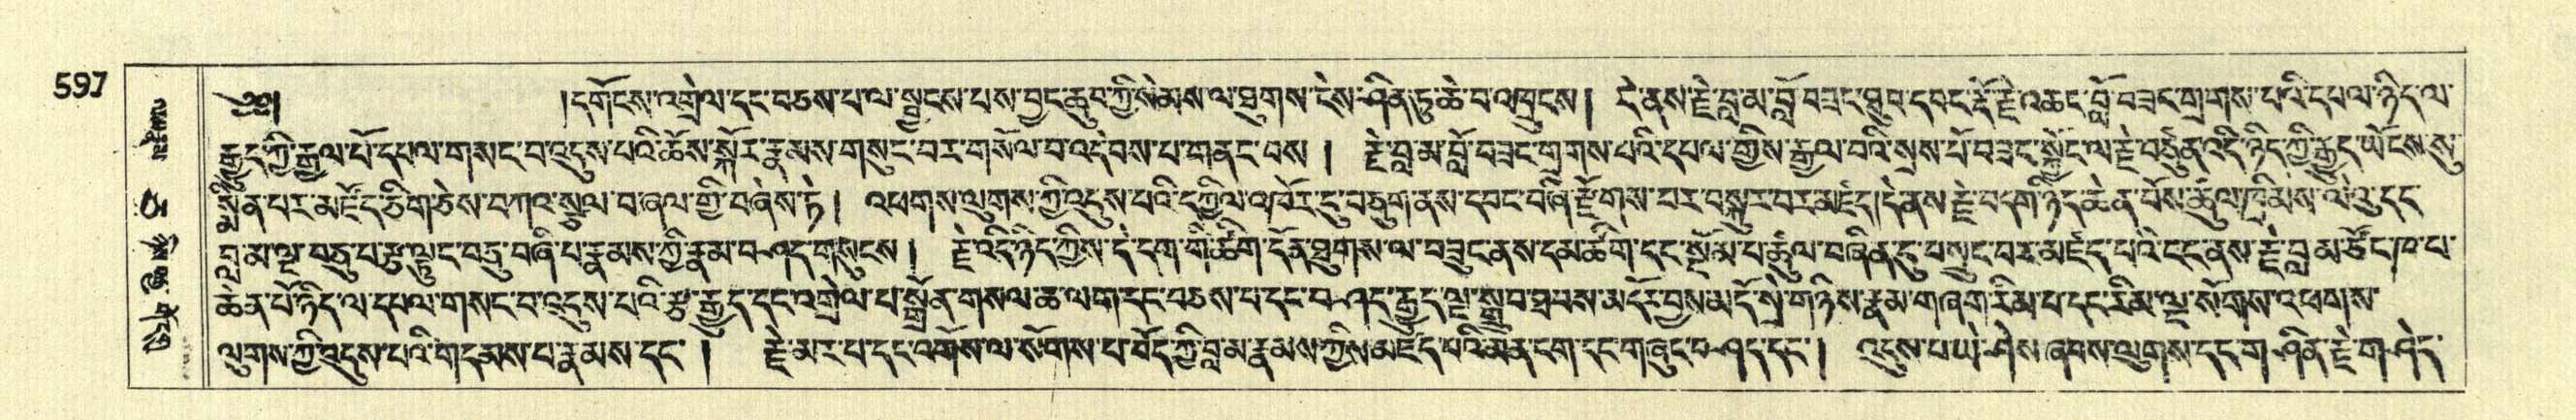༄༅། །དགོངས་འགྲེལ་དང་བཅས་པ་ལ་སྦྱངས་པས་བྱང་ཆུབ་ཀྱི་སེམས་ལ་ཐུགས་ངེས་ཤིན་ཏུ་ཆེ་བ་འཁྲུངས། དེ་ནས་རྗེ་བླ་མ་བློ་བཟང་ཐུབ་དབང་རྡོ་རྗེ་འཆང་བློ་བཟང་གྲགས་པའི་དཔལ་ཉིད་ལ་
རྒྱུད་ཀྱི་རྒྱལ་པོ་དཔལ་གསང་བ་འདུས་པའི་ཆོས་སྐོར་རྣམས་གསུང་བར་གསོལ་བ་འདེབས་པ་གནང་བས། རྗེ་བླ་མ་བློ་བཟང་གྲགས་པའི་དཔལ་གྱིས་རྒྱལ་བའི་སྲས་པོ་བཟང་སྐྱོང་ལ་རྗེ་བཙུན་འདི་ཉིད་ཀྱི་རྒྱུད་ཡོངས་སུ་
སྨིན་པར་མཛོད་ཅིག་ཅེས་བཀའ་སྩལ་བ་ཞལ་གྱི་བཞེས་ཏེ། འཕགས་ལུགས་ཀྱི་འདུས་པའི་དཀྱིལ་འཁོར་དུ་བཅུག་ནས་དབང་བཞི་རྫོགས་པར་བསྐུར་བར་མཛད། དེ་ནས་རྗེ་བདག་ཉིད་ཆེན་པོས་ཚུལ་ཁྲིམས་ལེའུ་དང་
བླ་མ་ལྔ་བཅུ་པ་རྩ་ལྟུང་བཅུ་བཞི་པ་རྣམས་ཀྱི་རྣམ་བཤད་གསུངས། རྗེ་འདི་ཉིད་ཀྱིས་དེ་དག་གི་ཚིག་དོན་ཐུགས་ལ་བཟུང་ནས་དམ་ཚིག་དང་སྔོམ་པ་ཚུལ་བཞིན་དུ་བསྲུང་བར་མཛད་པའི་ངང་ནས་རྗེ་བླ་མ་ཙོང་ཁ་པ་
ཆེན་པོ་ཉིད་ལ་དཔལ་གསང་བ་འདུས་པའི་རྩ་རྒྱུད་དང་འགྲེལ་པ་སྒྲོན་གསལ་ཆ་ལག་དང་བཅས་པ་དང་བཤད་རྒྱུད་ལྔ་སྒྲུབ་ཐབས་མདོར་བྱས་མདོ་སྲེ་གཉིས་རྣམ་གཞག་རིམ་པ་དང་རིམ་ལྔ་སོགས་འཕགས་
ལུགས་ཀྱི་འདུས་པའི་གདམས་པ་རྣམས་དང་། རྗེ་མར་པ་དང་འགོས་ལ་སོགས་པ་བོད་ཀྱི་བླ་མ་རྣམས་ཀྱིས་མཛད་པའི་མན་ངག་དང་གཞུང་བཤད་དང་། འདུས་པ་ཡེ་ཤེས་ལུགས་དན་གཤིན་རྗེ་གཤེད་